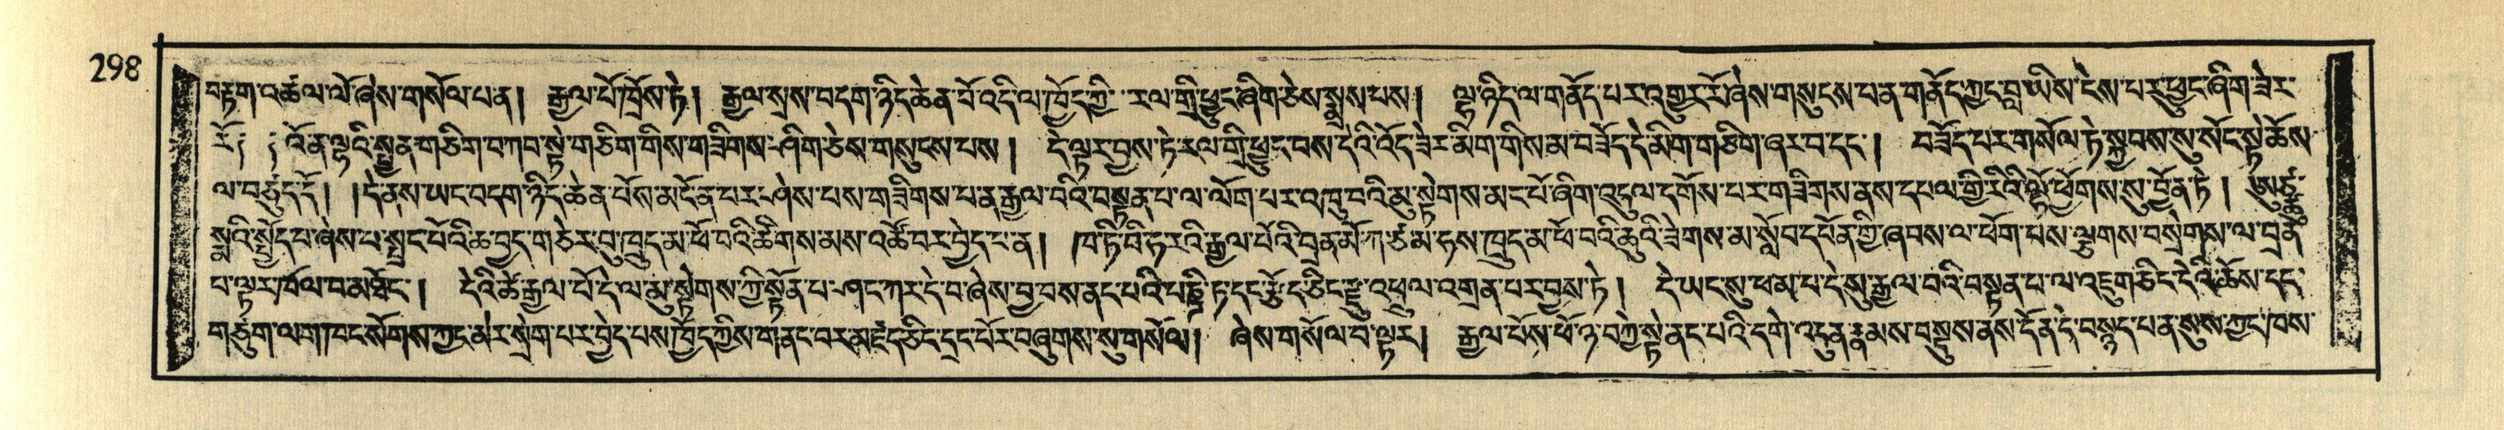བརྟག་འཚལ་ལོ་ཞེས་གསོལ་པ་ན། རྒྱལ་པོ་ཁྲོས་ཏེ། རྒྱལ་སྲས་བདག་ཉིད་ཆེན་པོ་འདི་ལ་ཁྱོད་ཀྱི་རལ་གྲི་ཕྱུང་ཞིག་ཅེས་སྨྲས་པས། ལྷ་ཉིད་ལ་གནོད་པར་འགྱུར་རོ་ཞེས་གསུངས་པ་ན་གནོད་ཀྱང་བླ་ཡིས་ངེས་པ་ཕྱུང་ཞིག་ཟེར་
རོ༑ ༑འོ་ན་ལྷའི་སྤྱན་གཅིག་བཀབ་སྟེ་གཅིག་གིས་གཟིགས་ཤིག་ཅེས་གསུངས་པས། དེ་ལྟར་བྱས་ཏེ་རལ་གྲི་ཕྱུང་བས་དེའི་འོད་ཟེར་མིག་གིས་མ་བཟོད་དེ་མིག་གཅིག་ཞར་བ་དང་། བཟོད་པར་གསོལ་ཏེ་སྐྱབས་སུ་སོང་སྟེ་ཆོས་
ལ་བཙུད་དོ། །དེ་ནས་ཡང་བདག་ཉིད་ཆེན་པོས་མངོན་པར་ཤེས་པས་གཟིགས་པ་ན་རྒྱལ་བའི་བསྟན་པ་ལ་ལོག་པར་འཁྲུ་བའི་མུ་སྟེགས་མང་པོ་ཞིག་འདུལ་དགོས་པར་གཟིགས་ནས་དཔལ་གྱི་རིའི་ལྷོ་ཕྱོགས་སུ་བྱོན་ཏེ། ཨུཙྪུ་
སྨའི་སྤྱོད་པ་ཞེས་པ་སྤྲང་པོའི་ཆ་བྱད་གཅེར་བུ་ཁྲུད་མ་ཕོ་བའི་ཚིགས་མས་འཚོ་བར་བྱེད་པ་ན། ཁ་ཏི་བི་ཧ་རའི་རྒྱལ་པོའི་བྲན་མོ་ཀ་ཙ་མ་ཧས་ཁྲུད་མ་ཕོ་བའི་ཆུའི་ཟེགས་མ་སློབ་དཔོན་གྱི་ཞབས་ལ་ཕོག་པས་ལྕགས་བསྲེགས་ལ་བྲན་
པ་ལྟར་ཁོལ་བ་མཐོང་། དེའི་ཚེ་རྒྱལ་པོ་དེ་ལ་མུ་སྟེགས་ཀྱི་སྟོན་པ་ཤང་ཀར་དེ་བ་ཞེས་བྱ་བས་ནང་པའི་པཎྜི་ཏ་དང་རྩོད་ཅིང་རྫུ་འཕྲུལ་འགྲན་པར་བྱས་ཏེ། དེ་ཡང་སུ་ཕམ་པ་དེ་སུ་རྒྱལ་བའི་བསྟན་པ་ལ་འཇུག་ཅིང་དེའི་ཆོས་དད་
གཙུག་ལག་ཁང་སོགས་ཀྱང་མེར་སྲེག་པར་བྱེད་པས་ཁྱོད་ཀྱིས་གནང་བར་མཛད་ཅིང་དྲང་པོར་བཞུགས་སུ་གསོལ། ཞེས་གསོལ་བ་ལྟར། རྒྱལ་པོས་ཕོ་ཉ་བཀྱེ་སྟེ་ནང་པའི་དགེ་འདུན་རྣམས་བསྡུས་ནས་དོན་དེ་བསྙད་པ་ན་སུས་ཀྱང་ཁས་